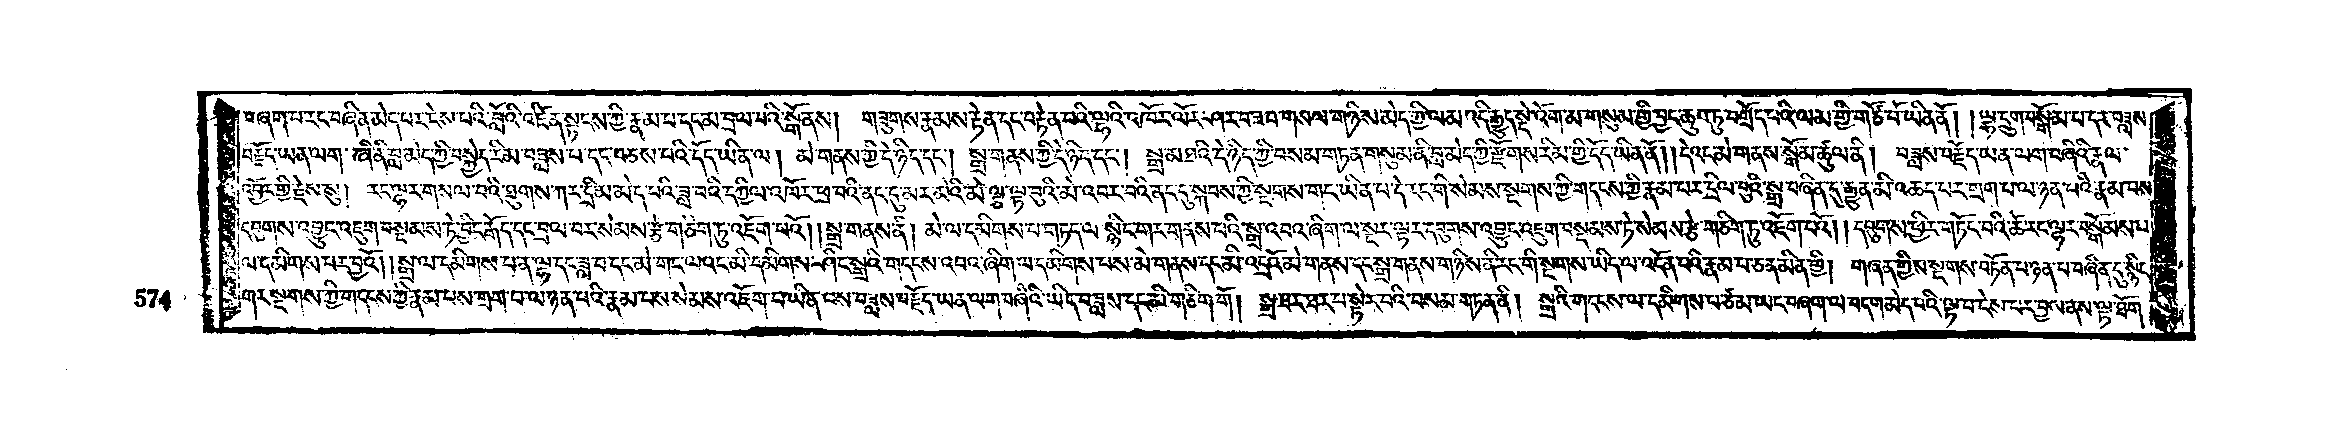བཞག་པ་རང་བཞིན་མེད་པར་ངེས་པའི་བློའི་འཛིན་སྟངས་ཀྱི་རྣམ་པ་དང་མ་བྲལ་བའི་སྒོ་ནས། གཟུགས་རྣམས་རྟེན་དང་བརྟེན་པའི་ལྷའི་འཁོར་ལོར་ཤར་བ་ཟབ་གསལ་གཉིས་མེད་ཀྱི་ལམ་འདི་རྒྱུད་སྡེ་འོག་མ་གསུམ་གྱི་བྱང་ཆུབ་ཏུ་བགྲོད་པའི་ལམ་གྱི་གཙོ་བོ་ཡིན་ནོ། །ལྷ་དྲུང་བསྒོམ་པ་དང་བཟླས་
བརྗོད་ཡན་ལག་བཞི་ནི་བླ་མེད་ཀྱི་བསྐྱེད་རིམ་བཟླས་པ་དང་བཅས་པའི་དོད་ཡིན་ལ། མེ་གནས་ཀྱི་དེ་ཉིད་དང་། སྒྲ་གནས་ཀྱི་དེ་ཉིད་དང་། སྒྲ་མཐའི་དེ་ཉིད་ཀྱི་བསམ་གཏན་གསུམ་ནི་བླ་མེད་ཀྱི་རྫོགས་རིམ་གྱི་དོད་ཡིན་ནོ། །དེའང་མེ་གནས་སྒོམ་ཚུལ་ནི། བཟླས་བརྗོད་ཡན་ལག་བཞིའི་རྣལ་
འབྱོར་གྱི་རྗེས་སུ། རང་ལྷར་གསལ་བའི་ཐུགས་ཀར་དྲི་མ་མེད་པའི་ཟླ་བའི་དཀྱིལ་འཁོར་ཕྲ་བའི་ནང་དུ་མར་མེའི་མེ་ལྕེ་ལྟ་བུའི་མེ་འབར་བའི་ནང་དུ་སྐབས་ཀྱི་སྔགས་གང་ཡིན་པ་དེ་རང་གི་སེམས་སྔགས་ཀྱི་གདངས་ཀྱི་རྣམ་པར་དྲིལ་བུའི་སྒྲ་བཞིན་དུ་རྒྱུན་མི་འཆད་པར་གྲག་པ་ལ་ཉན་པའི་རྣམ་པས་
དབུགས་འབྱུང་འཇུག་བསྡམས་ཏེ་བྱིང་རྒོད་དང་བྲལ་བར་སེམས་རྩེ་གཅིག་ཏུ་འཇོག་པའོ། །སྒྲ་གནས་ནི། མེ་ལ་དམིགས་པ་གཏད་ལ་སྙིང་གར་གནས་པའི་སྒྲ་འབའ་ཞིག་ལ་སྔར་ལྟར་དབུགས་འབྱུང་འཇུག་བསྡམས་ཏེ་སེམས་རྩེ་གཅིག་ཏུ་འཇོག་པའོ། །དབུགས་ཕྱིར་གཏོང་བའི་ཚེ་རང་ལྷར་བསྒོམས་པ་
ལ་དམིགས་པར་བྱའོ། །སྒྲ་ལ་དམིགས་པ་ན་ལྷ་དང་ཟླ་བ་དང་མེ་གང་ལའང་མི་དམིགས་ཤིང་སྒྲའི་གདངས་འབའ་ཞིག་ལ་དམིགས་པས་མེ་གནས་དང་མི་འདྲའོ་མེ་གནས་དང་སྒྲ་གནས་གཉིས་ནི་རང་གི་སྔགས་ཡིད་ལ་འདོན་པའི་རྣམ་པ་ཅན་མིན་གྱི། གཞན་གྱིས་སྔགས་བཏོན་པ་ཉན་པ་བཞིན་དུ་སྙིང་
གར་སྔགས་ཀྱི་གདངས་ཀྱི་རྣམ་པས་གྲག་པ་ལ་ཉན་པའི་རྣམ་པས་སེམས་འཇོག་པ་ཡིན་པས་བཟླས་བརྗོད་ཡན་ལག་བཞིའི་ཡིད་བཟླས་དང་མི་གཅིག་གོ། སྒྲ་ཐར་ཐར་པ་སྟེར་བའི་བསམ་གཏན་ནི། སྒྲའི་གདངས་ལ་དམིགས་པ་ཙམ་ཡང་བཞག་ལ་བདག་མེད་པའི་ལྟ་བ་ངེས་པར་བྱས་ནས་ལྟ་ཐོག་